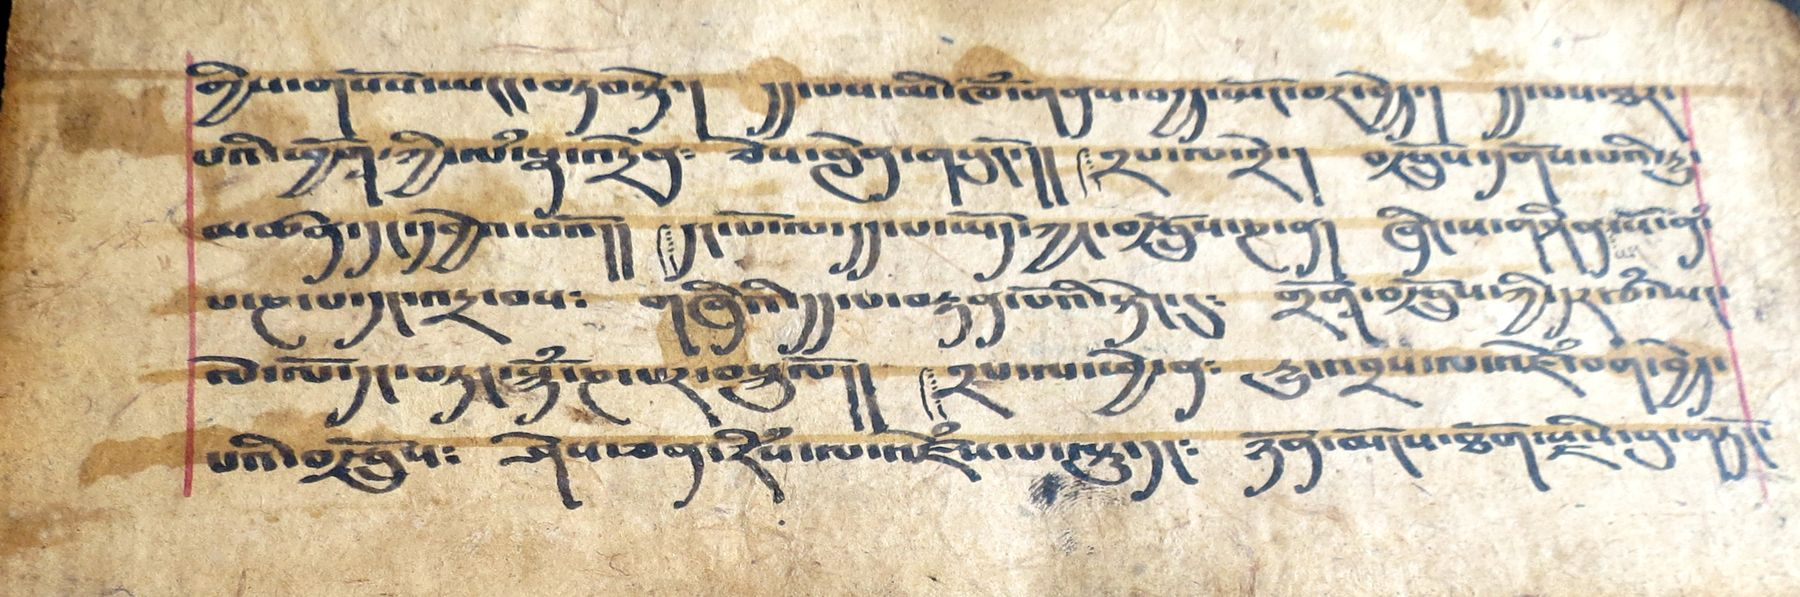གྱིས་གསོས་ཡང་ཡང་བཏབ་སྟེ། དད་པས་མི་ཁོམས་གནས་བརྒྱད་སྤོང་བར་བྱེད། དད་པས་ཐར་
པའི་ཕྱོགས་ཀྱི་ལམ་སྣ་འདྲེན། ཅེས་བླ་ཆེན་གྱིས་གསུངས་སོ། གཉིས་པ་༼གྲོགས་བརྩོན་འགྲུས་ཀྱིས་བསྐུལ་པ༽ལ་གཉིས་ཏེ། བརྩོན་འགྲུས་དགོས་པའི་རྒྱུ་
མཚན་དང་། དབྱེ་བའོ། དང་པོ་དགོས་པའི་རྒྱུ་མཚན་ལ། དད་པ་ཡོད་ཀྱང་བརྩོན་འགྲུས་མེད་ན། ཞིང་ས་གཤིན་ཡང་སོ་ནམ་
པ་མེད་པ་དང་འདྲ་བས། གཞི་དད་པ་བརྟན་པོའི་སྟེང་དུ་གྲོགས་བརྩོན་འགྲུས་ཀྱིས་དར་ཙམ་ཡང་
ལེ་ལོ་དང་བཏང་སྙོམས་མེད་པར་བསྐུལ་ལོ། གཉིས་པ་༼དབྱེ་བ༽ཕྱེ་ནས་རྒྱུ་འབྲས་ལ་འཛེམ་བག་བྱེད་
པའི་བརྩོན་འགྲུས། ཤེས་ཅན་རིམས་ལ་འཛེམ་པ་ལྟ་བུ་དང་། ཉོན་མོངས་ཐོག་རྫིས་སུ་གཏོང་